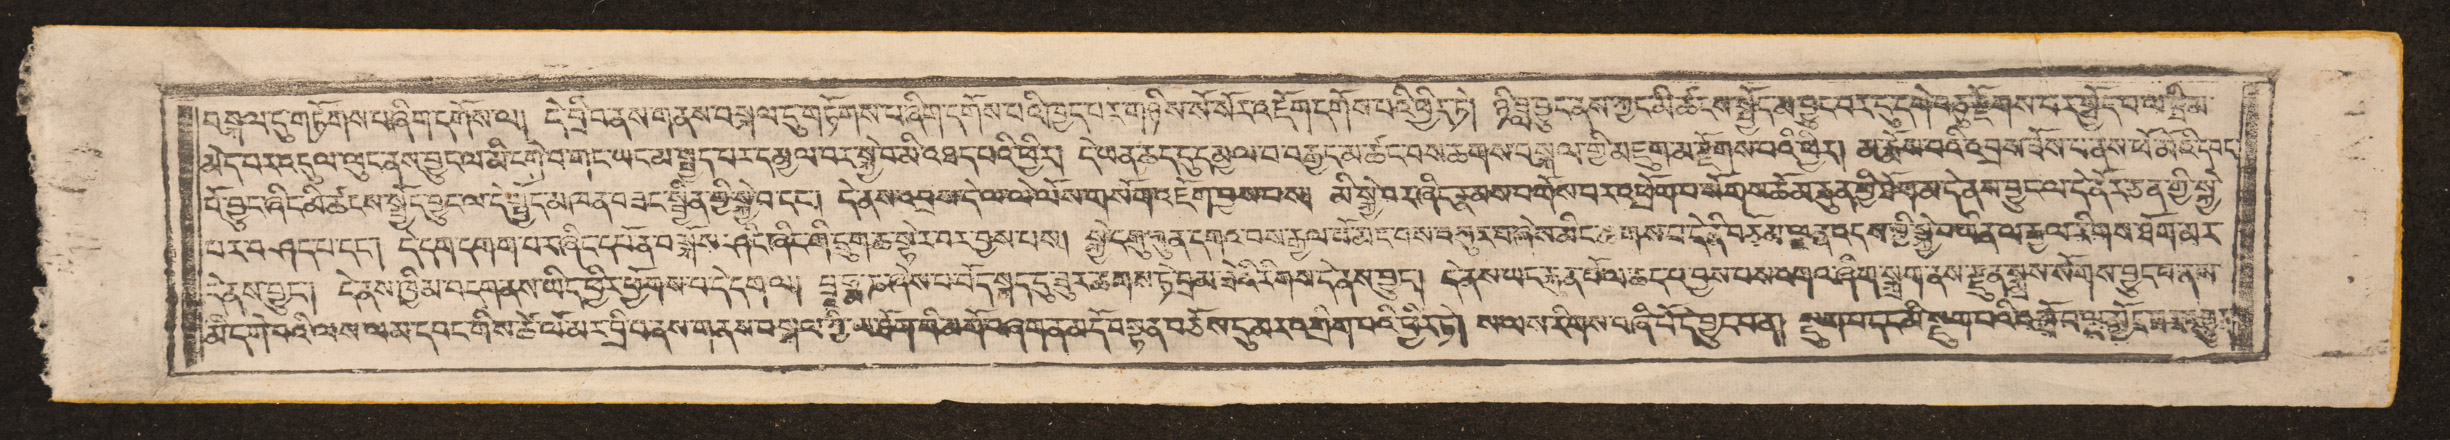བསྐལ་དུ་གཏོགས་བ་ཞིག་དགོས་ལ། དེ་བྲི་བ་ནས་གནས་བསྐལ་དུ་གཏོགས་པ་ཞིག་དགོས་པའི་ཁྱད་པར་གཉིས་སོ་སོར་འཇོག་དགོས་པའི་ཕྱིར་ཏེ། ཉི་ཟླ་བྱུང་ནས་ཀྱང་མི་ཚངས་སྤྱོད་མ་བྱུང་བར་དུ་དགེ་བཅུ་རྫོགས་པར་སྤྱོད་པ་ལ་དྲི་མ་
མེད་པར་འདུལ་ལུང་ནས་བྱུང་ལ་མི་དགེ་བ་གང་ཡང་མ་སྤྱད་པར་དམྱལ་བར་སྐྱེ་བ་མི་འཐད་པའི་ཕྱིར། དེ་ཡན་ཆད་དུ་དམྱལ་བ་བརྒྱད་མ་ཚང་བས་ཆགས་བསྐལ་གྱི་མཇུག་མ་རྫོགས་པའི་ཕྱིར། མ་རྨོས་པའི་འབྲས་ཟོས་པ་ནས་ཕོ་མོའི་དབང་
པོ་བྱུང་ཞིང་མི་ཚངས་སྤྱོད་བྱུང་ལ་དེ་སྤྱོད་མཁན་བཟང་སྦྱིན་གྱི་སྐྱེ་བ་དང་། དེ་ནས་འབྲས་དེ་ལ་ལེ་ལོས་གསོག་འཇོག་བྱས་པས། མི་སྐྱེ་བར་ཞིང་རྣམས་པ་གོས་པར་འཕྲོག་པ་སོགས་ཆོམ་རྐུན་གྱི་ཐོག་མ་དེ་ནས་བྱུང་ལ་དེ་ནོར་ཅན་གྱི་སྐྱེ་
པར་བཤད་པ་དང་། དེ་དག་དགག་པར་ཞིང་དཔོན་བསྐོས་ཤིང་ཞིང་གི་དྲུག་ཆ་སྟེར་བར་བྱས་པས། སྐྱེ་དགུ་ཀུན་དགའ་བས་རྒྱལ་པོ་མང་བས་བཀུར་བཞེས་མིང་ཆགས་པ་དེ་ནི་བཅོམ་ལྡན་འདས་ཀྱི་སྐྱེ་བ་ཡིན་ལ་རྒྱལ་རིགས་ཐོག་མར་
དེ་ནས་བྱུང་། དེ་ནས་ཁྱིམ་བདག་ནས་ཡིད་ཕྱིར་ཕྱོགས་པ་དེ་དག་ལ། བྲཱ་ཧྨཎ་ཞེས་པ་བོད་སྐད་དུ་ཟུར་ཆགས་ཏེ་བྲམ་ཟེའི་རིགས་དེ་ནས་བྱུང་། དེ་ནས་ཡང་རྐུན་པོ་ལ་ཆད་བ་བྱས་པས་འགའ་ཞིག་སྐྲག་ནས་རྫུན་སྨྲས་སོགས་བྱུང་བ་ནས་
མི་དགེ་པའི་ལས་ལམ་དབང་གིས་ཚེ་ལོ་མར་བྲི་བ་ནས་གནས་བསྐལ་ཀྱི་ཡ་ཐོག་གི་མགོ་བཞག་ན་མདོ་བསྟན་བཅོས་དུ་མར་འགྲིག་པའི་ཕྱིར་ཏེ། ས་ལས་རིགས་བཞི་པོ་དེ་བྱུང་བ་ན། སྡུག་པ་དང་མི་སྡུག་པའི་འགྲོ་བ་ལྔ་མྱོང་བར་འགྱུར་